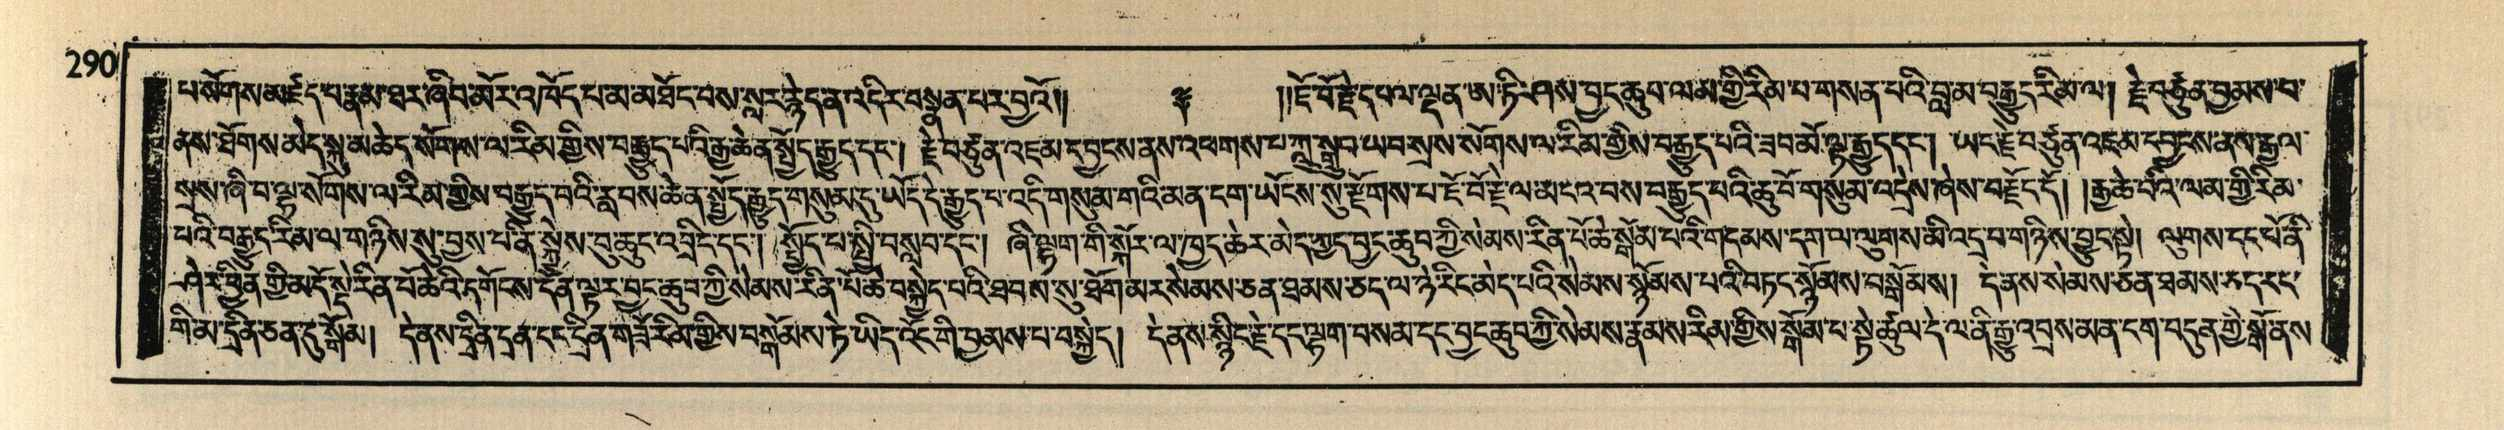པ་སོགས་མཛད་པ་རྣམ་ཐར་ཞིབ་མོར་འཁོད་པ་མ་མཐོང་བས་སླར་རྙེད་ན་འདིར་བསྣན་པར་བྱའོ།། ༈ །།ཇོ་བོ་རྗེ་དཔལ་ལྡན་ཨ་ཏི་ཤས་བྱང་ཆུབ་ལམ་གྱི་རིམ་པ་གསན་པའི་བླ་མ་བརྒྱུད་རིམ་ལ། རྗེ་བཙུན་བྱམས་པ་
ནས་ཐོགས་མེད་སྐུ་མཆེད་སོགས་ལ་རིམ་གྱིས་བརྒྱུད་པའི་རྒྱ་ཆེན་སྤྱོད་རྒྱུད་དང་། རྗེ་བཙུན་འཇམ་དབྱངས་ནས་འཕགས་པ་ཀླུ་སྒྲུབ་ཡབ་སྲས་སོགས་ལ་རིམ་གྱིས་བརྒྱུད་པའི་ཟབ་མོ་ལྟ་རྒྱུད་དང་། ཡང་རྗེ་བཙུན་འཇམ་དབྱངས་ནས་རྒྱལ་
སྲས་ཞི་བ་ལྷ་སོགས་ལ་རིམ་གྱིས་བརྒྱུད་བའི་རླབས་ཆེན་སྤྱོད་རྒྱུད་གསུམ་དུ་ཡོད་དེ་རྒྱུད་པ་འདི་གསུམ་གའི་མན་ངག་ཡོངས་སུ་རྫོགས་པ་ཇོ་བོ་རྗེ་ལ་མངའ་བས་བརྒྱུད་པའི་ཆུ་བོ་གསུམ་འདྲེས་ཞེས་བརྗོད་དོ། །རྒྱ་ཆེ་བའི་ལམ་གྱི་རིམ་
པའི་བརྒྱུད་རིམ་ལ་གཉིས་སུ་བྱས་པ་ནི་སྐྱེས་བུ་ཆུང་འབྲིང་དང་། སྤྱོད་པ་སྤྱི་བསླབ་དང་། ཞི་ལྷག་གི་སྐོར་ལ་ཁྱད་ཆེར་མེད་ཀྱང་བྱང་ཆུབ་ཀྱི་སེམས་རིན་པོ་ཆེ་སྒོམ་པའི་གདམས་དག་ལ་ལུགས་མི་འདྲ་བ་གཉིས་བྱུང་སྟེ། ལུགས་དང་པོ་ནི་
ཤེར་ཕྱིན་གྱི་མདོ་སྡེ་རིན་པོ་ཆེའི་དགོངས་དོན་ལྟར་བྱང་ཆུབ་ཀྱི་སེམས་རིན་པོ་ཆེ་བསྐྱེད་པའི་ཐབས་སུ་ཐོག་མར་སེམས་ཅན་ཐམས་ཅད་ལ་ཉེ་རིང་མེད་པའི་སེམས་སྙོམས་པའི་བཏང་སྙོམས་བསྒོམས། དེ་ནས་སེམས་ཅན་ཐམས་ཅད་རང་
གི་མ་དྲིན་ཅན་དུ་སྒོམ། དེ་ནས་དྲིན་དྲན་དང་དྲིན་གཟོ་རིམ་གྱིས་བསྒོམས་ཏེ་ཡིད་འོང་གི་བྱམས་པ་བསྐྱེད། དེ་ནས་སྙིང་རྗེ་དང་ལྷག་བསམ་དང་བྱང་ཆུབ་ཀྱི་སེམས་རྣམས་རིམ་གྱིས་སྒོམ་པ་སྟེ་ཚུལ་དེ་ལ་ནི་རྒྱུ་འབྲས་མན་ངག་བདུན་གྱི་སྒོ་ནས་